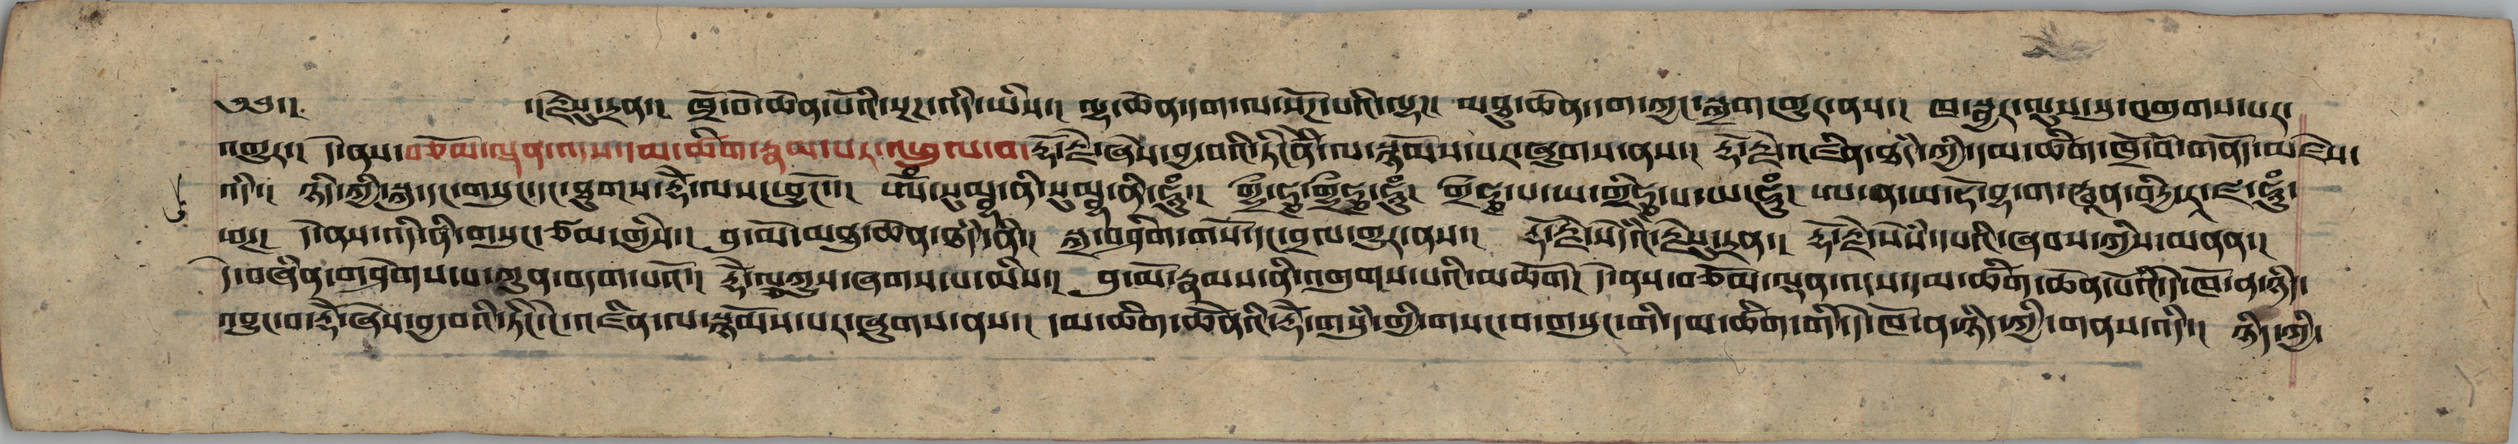༄༅་། ་།རྗེསུ་དྲན་། ཁྲོ་བོ་ཆེན་པོའི་སྔཌ་འདི་ཡིས་། ལྷ་ཆེན་དག་ལ་སོཌ་པའི་ལྷ།།། མཐུ་ཆེན་དག་ཀྱང་སྐྲག་གྱུར་ནས་། ཁ་སྦྱར་ལུས་སུ་འགུགས་པར་
འགྱུར་། དེ་ནས་བཅོམ་ལྡན་འདས་དམ་ཚིག་རྣམ་པར་འཕྲུལ་བ་རྡོ་རྗེ་ཞེས་བྱ་བའི་ཏིངེཛིན་ལ་སྙོམས་པར་ཞུགས་ནས་། རྡོ་རྗེ་འཛིན་ཐཾད་ཀྱི་དམ་ཚིག་ཁྲོ་བོ་གནོད་མཛེས་
འདི་། ཉིད་ཀྱི་སྐུ་དང་གསུང་དང་ཐུགས་རྡོཻ་ལས་ཕྱུངོ་་། ཨོཾ་སུམྦྷ་ནི་སུམྦྷ་ནི་ཧཱུཾ་། གྲྀཧྞ་གྷྲྀཧྞ་ཧཱུཾ་ གྲྀཧྞ་པ་ཡ་གྲྀཧྞ་པ་ཡ་ཧཱུཾ། ཨ་ན་ཡ་ཧོ་བྷ་ག་ཝཱན་བིཏྱ་རཱ་ཛ་ཧཱུཾ་
ཕཊ། དེ་ནས་འདི་ནི་གསུང་ཙམ་གྱིས་། བུ་མོ་མཐུ་ཆེན་ཐཾད་ནི་། སྐྲ་བཤིག་གོས་དང་བྲལ་གྱུར་ནས་། རྡོ་རྗེ་སེདའཾ་རྗེསུ་དྲན་། རྡོ་རྗེ་སེསཾ་དཔའི་ཞབས་ཀྱིས་མནན་།
དེ་བཞིན་གཤེགས་པ་ཀུན་བདག་པའོ་། རྡོེ་ལྕཀྱུས་ཞགས་པ་ཡིས་། བུ་མོ་རྣམས་ནི་འགུགས་པའི་མཆོག། དེ་ནས་བཅོམ་ལྡན་འདས་དམ་ཚིག་ཆེན་པོའི་དེ་ཁོ་ན་ཉིད་
འབྱུང་བ་རྡོེ་ཞེས་བྱ་བའི་ཏིང་ངེ་འཛིན་ལ་སྙོམས་པར་ཞུགས་ནས་། དམ་ཚིག་ཆེནོའི་རྡོེ་གསུཾ་གྱི་གསང་བ་གསུང་གི་དམ་ཚིག་གི་དེ་ཁོ་ན་ཉིད་ཀྱི་གནས་འདི་། ཉིད་ཀྱི་